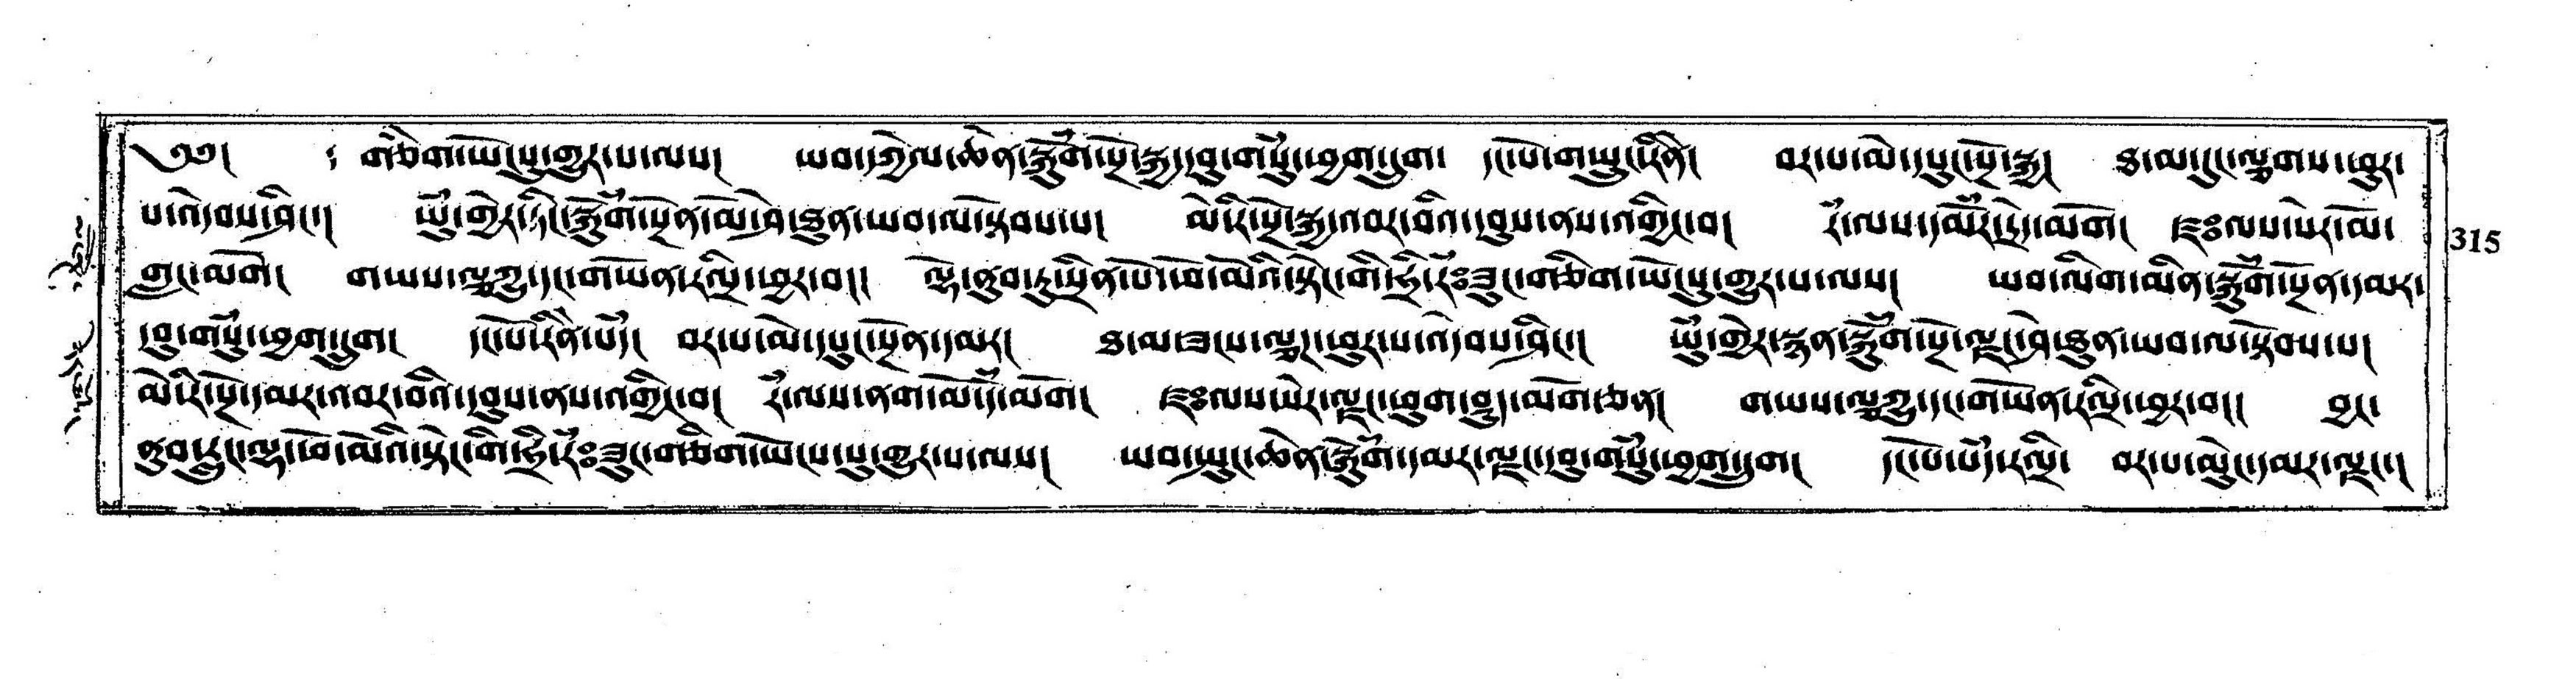གཅིག་ཡོངས་སུ་གྱུར་པ་ལས། ཡབ་དཀྱེལ་ཆེན་སྐུ་མདོག་སྔོ་སྐུ་དབུ་གསུམ་ཕྱག་དྲུག་དང་པོ་གཡུང་དྲུང་རིན་ཆེན། བར་པ་མེ་དཔུང་སྔོ་སྐྱ། ཐ་མ་དུང་ལྕགས་ཕུར་
པ་འདེབས་ཤིང་། ཡུམ་གྱེར་ཏིང་སྐུ་མདོག་སྔོན་མོ་ཤེ་ཐུན་ཡབ་ལ་སྟོབས་པ། མེ་རི་སྔོ་སྐྱ་འབར་བའི་དབུས་ནས་འགྱིང་བ། རཾ་ལས་དམར་མོ་དྲེད་མགོ། ཛཿལས་སེར་མོ་
གླང་མགོ། གཡས་ལྕག་ཀྱུ་དང་གཡོན་རལ་གྲི་ཕྱར་བ།། ལྷོ་ནུབ་ཏུ་སྲིན་པོ་ཕོ་མོའི་སྟེང་གི་ཧྲི་རཾཿཟུང་གཅིག་ཡོངས་སུ་གྱུར་པ་ལས། ཡབ་ལིག་མིན་སྐུ་མདོག་སྔོན་དམར་
དབུ་གསུམ་ཕྱག་དྲུག དང་པོ་རིན་ཆེན་པད་མ། བར་པ་མེ་དཔུང་སྔོན་དམར། ཐ་མ་ཟངས་ལྕགས་ཕུར་པ་འདེབས་ཤིང་། ཡུམ་གྱེར་སྙན་སྐུ་མདོག་སྔོ་ལྗང་ཤེ་ཐུན་ཡབ་ལ་སྟོབས་པ། 
མེ་རི་སྔོ་དམར་འབར་བའི་དབུས་ནས་འགྱིང་བ། རཾ་ལས་ནག་མོ་དོམ་མགོ ཛཿལས་སེར་ལྗང་ཕུག་ཤུད་མགོ་ཅན། གཡས་ལྕག་ཀྱུ་དང་གཡོན་རལ་གྲི་ཕྱར་བ།། བྱང་
ནུབ་རླུང་ལྷ་ཕོ་མོའི་སྟེང་གི་ཧྲི་རཾཿཟུང་གཅིག་ཡོངས་སུ་གྱུར་པ་ལས། ཡབ་སྤུང་ཆེན་སྐུ་མདོག་དམར་ལྗང་དབུ་གསུམ་ཕྱག་དྲུག དང་པོ་པད་མ་རལ་གྲི་བར་པ་མེ་དཔུང་དམར་ལྗང་།